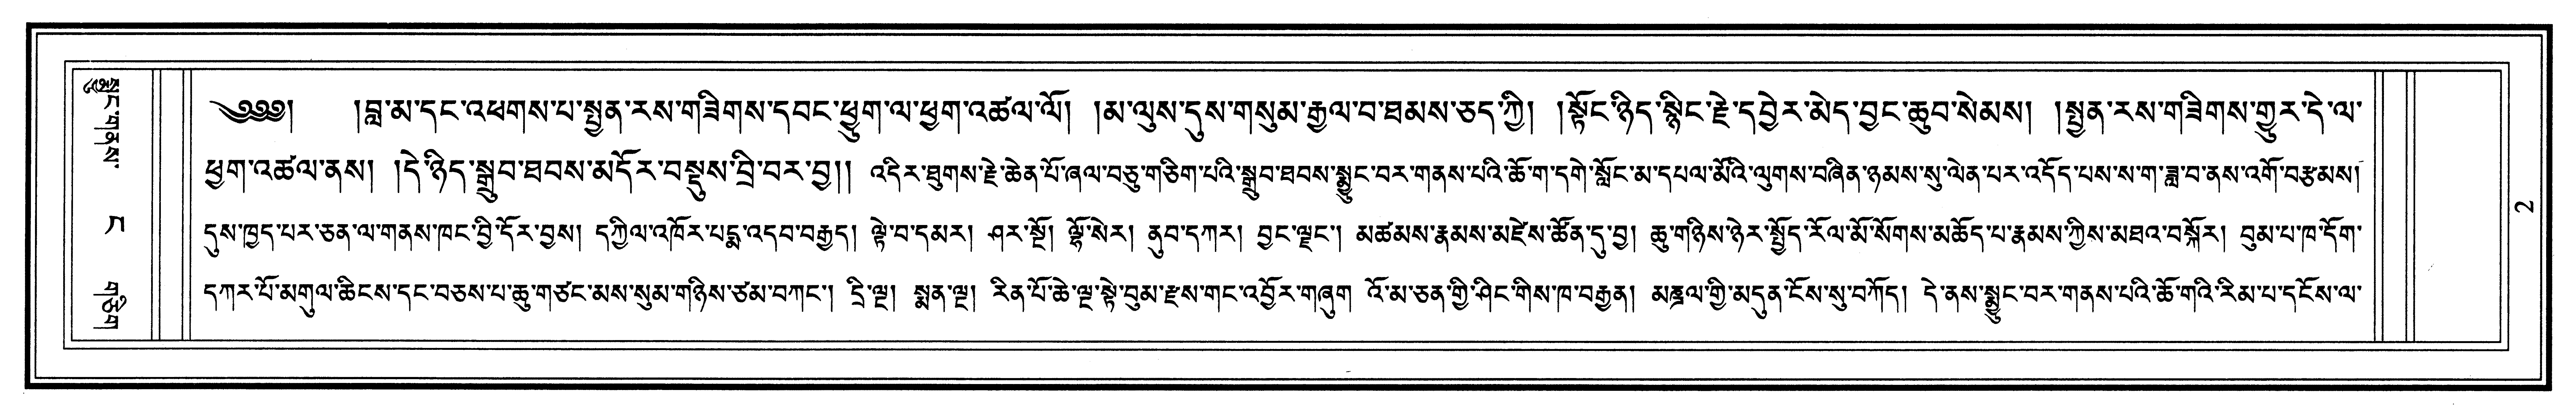༄༅༅། །བླ་མ་དང་འཕགས་པ་སྤྱན་རས་གཟིགས་དབང་ཕྱུག་ལ་ཕྱག་འཚལ་ལོ། །མ་ལུས་དུས་གསུམ་རྒྱལ་བ་ཐམས་ཅད་ཀྱི། །སྟོང་ཉིད་སྙིང་རྗེ་དབྱེར་མེད་བྱང་ཆུབ་སེམས། །སྤྱན་རས་གཟིགས་གྱུར་དེ་ལ་
ཕྱག་འཚལ་ནས། །དེ་ཉིད་སྒྲུབ་ཐབས་མདོར་བསྡུས་བྲི་བར་བྱ།། འདིར་ཐུགས་རྗེ་ཆེན་པོ་ཞལ་བཅུ་གཅིག་པའི་སྒྲུབ་ཐབས་སྨྱུང་བར་གནས་པའི་ཆོ་ག་དགེ་སློང་མ་དཔལ་མོའི་ལུགས་བཞིན་ཉམས་སུ་ལེན་པར་འདོད་པས་ས་ག་ཟླ་བ་ནས་འགོ་བརྩམས།
དུས་ཁྱད་པར་ཅན་ལ་གནས་ཁང་བྱི་དོར་བྱས། དཀྱིལ་འཁོར་པདམ་འདབ་བརྒྱད། ལྟེ་བ་དམར། ཤར་སྔོ། ལྷོ་སེར། ནུབ་དཀར། བྱང་ལྗང་། མཚམས་རྣམས་མཛེས་ཚོན་དུ་བྱ། ཆུ་གཉིས་ཉེར་སྤྱོད་རོལ་མོ་སོགས་མཆོད་པ་རྣམས་ཀྱིས་མཐའ་བསྐོར། བུམ་པ་ཁ་དོག་
དཀར་པོ་མགུལ་ཆིངས་དང་བཅས་པ་ཆུ་གཙང་མས་སུམ་གཉིས་ཙམ་བཀང་། དྲི་ལྔ། སྨན་ལྔ། རིན་པོ་ཆེ་ལྔ་སྟེ་བུམ་རྫས་གང་འབྱོར་གཞུག་འོ་མ་ཅན་གྱི་ཤིང་གིས་ཁ་བརྒྱན། མཎྜལ་གྱི་མདུན་ངོས་སུ་བཀོད། དེ་ནས་སྨྱུང་བར་གནས་པའི་ཆོ་གའི་རིམ་པ་དངོས་ལ་